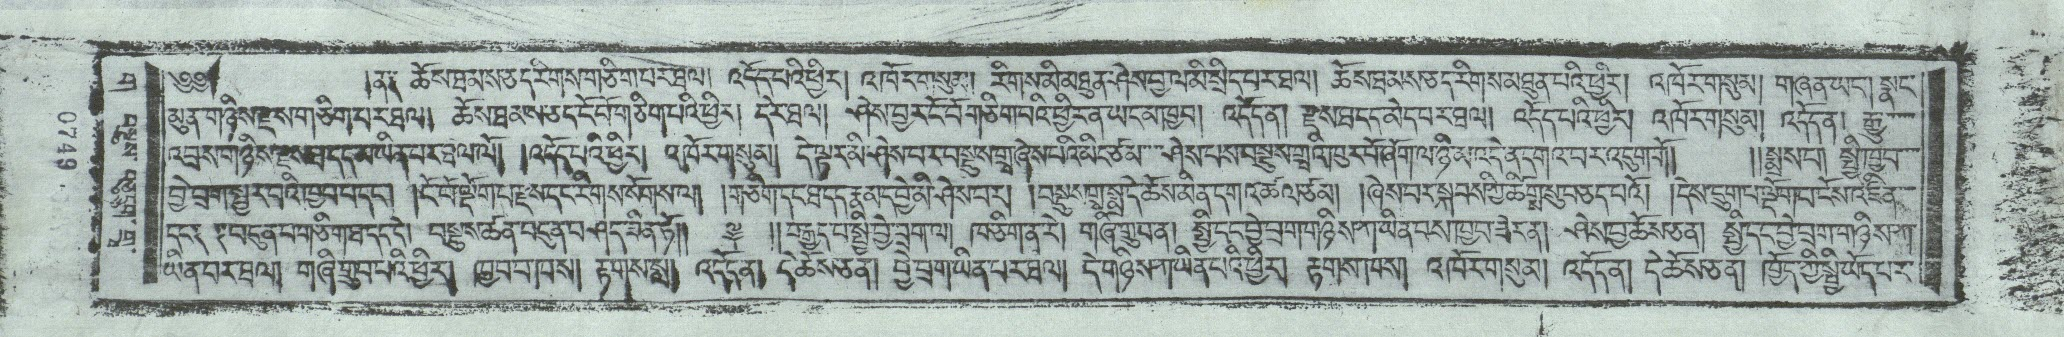༄༅། །ན༑ ཆོས་ཐམས་ཅད་རིགས་གཅིག་པར་ཐལ། འདོད་པའི་ཕྱིར། འཁོར་གསུམ། རིགས་མི་མཐུན་ཤེས་བྱ་ལ་མི་སྲིད་པར་ཐལ། ཆོས་ཐམས་ཅད་རིགས་མཐུན་པའི་ཕྱིར། འཁོར་གསུམ། གཞན་ཡང་། སྣང་
མུན་གཉིས་རྫས་གཅིག་པར་ཐལ། ཆོས་ཐམས་ཅད་ངོ་བོ་གཅིག་པའི་ཕྱིར། དེར་ཐལ། ཤེས་བྱར་ངོ་བོ་གཅིག་པའི་ཕྱིར་ན་ཡང་མ་ཁྱབ། འདོད་ན། རྫས་ཐ་དད་མེད་པར་ཐལ། འདོད་པའི་ཕྱིར། འཁོར་གསུམ། འདོད་ན། རྒྱུ་
འབྲས་གཉིས་རྫས་ཐ་དད་མ་ཡིན་པར་ཐལ་ལོ། །འདོད་པའི་ཕྱིར། འཁོར་གསུམ། དེ་ལྟར་མི་ཤེས་པར་བསྡུས་གྲྭ་ཞེས་པའི་མིང་ཙམ་ཤེས་པས་བསྡུས་གྲྭའི་ཁུར་པོ་ཞོག་ལ་ཉི་མ་འདི་ན་དགའ་བར་འདུག་གོ། །།སྨྲས་པ། སྤྱི་ཁྱབ་
བྱེ་བྲག་སྦྱར་བའི་ཁྱབ་པ་དང་། །ངོ་བོ་ལྡོག་པ་རྫས་དང་རིགས་སོགས་ལ། །གཅིག་དང་ཐ་དད་རྣམ་དབྱེ་མི་ཤེས་པར། །བསྡུས་གྲྭ་སྨྲ་དེ་ཆོས་མིན་དགའ་ཚལ་ཙམ། །ཞེས་པར་སྐབས་ཀྱི་ཚིགས་སུ་བཅད་པའོ། །དེས་དྲུག་པ་ལྡོག་པ་ངོས་འཛིན་
དང༑ ༑བདུན་པ་གཅིག་ཐ་དད་དེ། བསྡུས་ཚན་བདུན་བཤད་ཟིན་ཏོ།། ༈ །།བརྒྱད་པ་སྤྱི་བྱེ་བྲག་ལ། ཁ་ཅིག་ན་རེ། གཞི་གྲུབ་ན། སྤྱི་དང་བྱེ་བྲག་གཉིས་ཀ་ཡིན་པས་ཁྱབ་ཟེར་ན། ཤེས་བྱ་ཆོས་ཅན། སྤྱི་དང་བྱེ་བྲག་གཉིས་ཀ་
ཡིན་པར་ཐལ། གཞི་གྲུབ་པའི་ཕྱིར། ཁྱབ་པ་ཁས། རྟགས་སླ། འདོད་ན། དེ་ཆོས་ཅན། བྱེ་བྲག་ཡིན་པར་ཐལ། དེ་གཉིས་ཀ་ཡིན་པའི་ཕྱིར། རྟགས་ཁས། འཁོར་གསུམ། འདོད་ན། དེ་ཆོས་ཅན། ཁྱོད་ཀྱི་སྤྱི་ཡོད་པར་